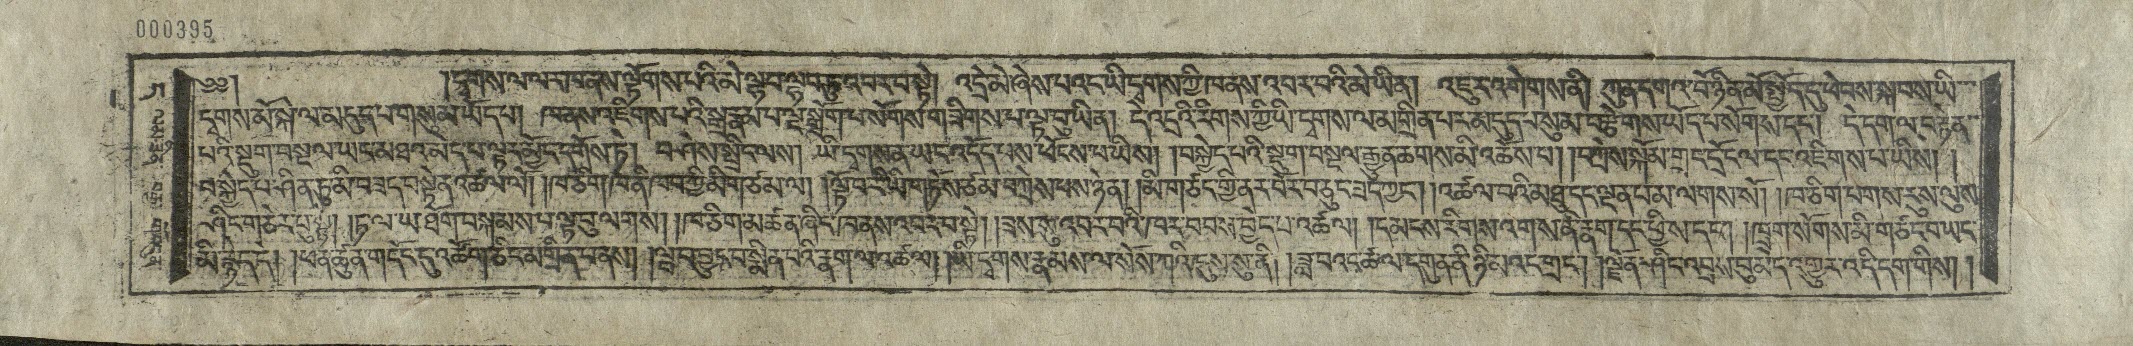༄༅། །དྭགས་ལ་ལར་ཁ་ནས་ལྟོགས་པའི་མེ་ལྷབ་ལྷབ་ཏུ་འབར་བ་སྟེ། འདྲེ་མེ་ཞེས་པའང་ཡི་དྭགས་ཀྱི་ཁ་ནས་འབར་བའི་མེ་ཡིན། འཇུར་འགེགས་ནི། ཀུན་དགའ་བོ་ཉིན་མོ་སྤྱོད་དུ་ཕེབས་སྐབས་ཡི་
དྭགས་མོ་སྐེ་ལ་མདུད་པ་གསུམ་ཡོད་པ། ཁ་ནས་འཇིགས་པའི་སྒྲ་རྣམ་པ་ལྔ་སྒྲོག་པ་སོགས་གཟིགས་པ་ལྟ་བུ་ཡིན། དེ་འདྲའི་རིགས་ཀྱི་ཡི་དྭགས་ལ་མགྲིན་པར་མདུད་པ་སུམ་བརྩེགས་ཡོད་པ་སོགས་དང་། དེ་དག་ལ་བརྟེན་
པའི་སྡུག་བསྔལ་ཡང་མཐའ་མེད་པ་ལྟར་མྱོང་དགོས་ཏེ། བཤེས་སྤྲིང་ལས། ཡི་དྭགས་ན་ཡང་འདོད་པས་ཕོངས་པ་ཡིས། །བསྐྱེད་པའི་སྡུག་བསྔལ་རྒྱུན་ཆགས་མི་འཆོས་པ། །བཀྲེས་སྐོམ་གྲང་དྲོ་ངལ་དང་འཇིགས་པ་ཡིས། །
བསྐྱེད་པ་ཤིན་ཏུ་མི་བཟད་བསྟེན་འཚལ་ལོ། །ཁ་ཅིག་ཁ་ནི་ཁབ་ཀྱི་མིག་ཙམ་ལ། །ལྟོ་བ་རི་ཡི་གཏོས་ཙམ་བཀྲེས་པས་ཉེན། །མི་གཙང་གྱི་ནར་བོར་བ་ཅུང་ཟད་ཀྱང་། །འཚལ་བའི་མཐུ་དང་ལྡན་པ་མ་ལགས་སོ། །ཁ་ཅིག་པགས་རུས་ལུས་
ཤིང་གཅེར་པུ་སྟེ། །ཏ་ལ་ཡ་ཐོག་བསྐམས་པ་ལྟ་བུ་ལགས། །ཁ་ཅིག་མཚན་ཞིང་ཁ་ནས་འབར་བ་སྟེ། །ཟས་སུ་འབར་བའི་ཁར་བབས་བྱེད་པ་འཚལ། །དམངས་རིགས་འགས་ནི་རྣག་དང་ཕྱིས་དང་། །ཁྲག་སོགས་མི་གཙང་བ་ཡང་
མི་རྙེད་དེ། །ཕན་ཚུན་གདོང་དུ་འཚོག་ཅིང་མགྲིན་པ་ནས། །ལྦ་བ་བྱུང་བ་སྨིན་པའི་རྣག་ལ་འཚལ། །ཡི་དྭགས་རྣམས་ལ་སོས་ཀའི་དུས་སུ་ནི། །ཟླ་བའང་ཚ་ལ་དགུན་ནི་ཉི་མའང་གྲང་། །ལྗོན་ཤིང་འབྲས་བུ་མེད་འགྱུར་འདི་དག་གིས། །